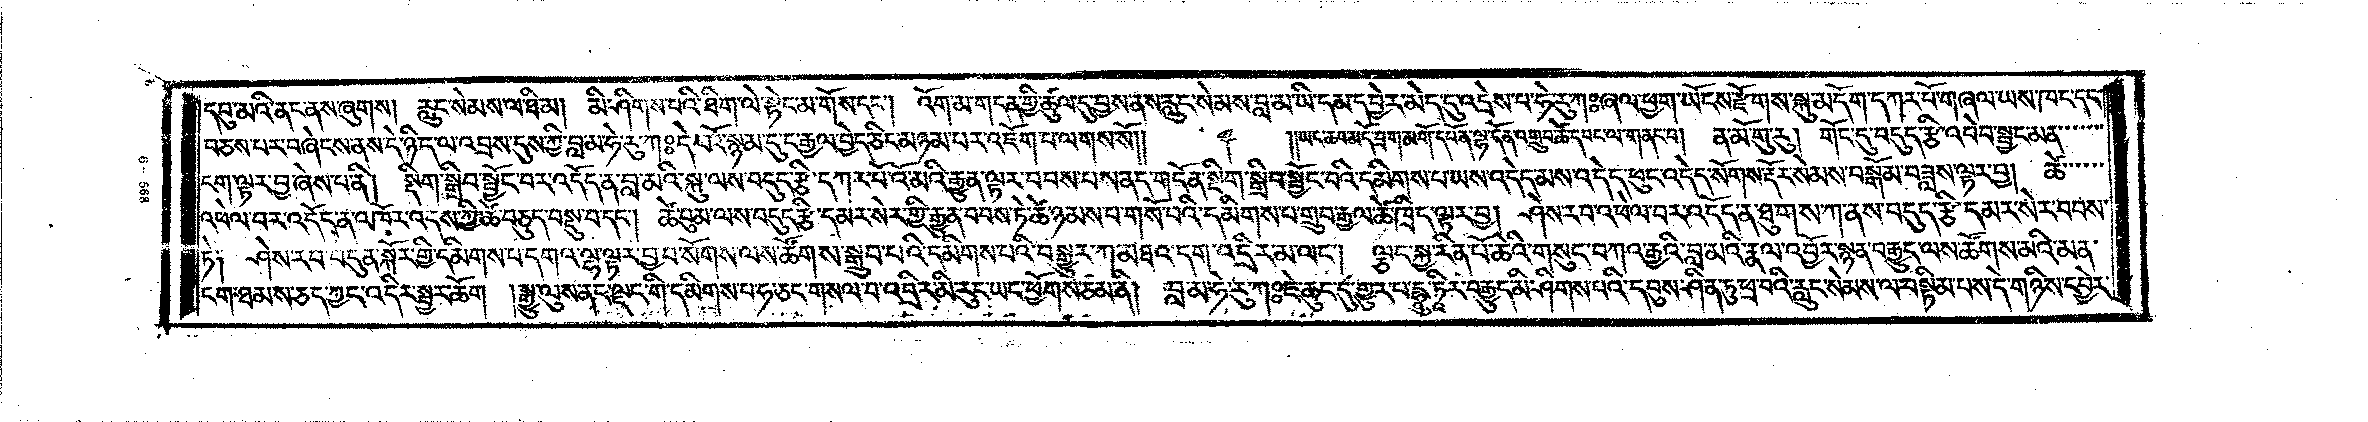དབུ་མའི་ནང་ནས་ཞུགས། རླུང་སེམས་ལ་ཐིམ། མི་ཤིགས་པའི་ཐིག་ལེ་སྟེང་མ་གོས་དང་། འོག་མ་གདན་གྱི་ཚུལ་དུ་བྱས་ནས་རླུང་སེམས་བླ་མ་ཡི་དམ་དཔྱེར་མེད་དུ་འདྲེས་པ་ཧེ་རུ་ཀཿ ཞལ་ཕྱག་ཡོངས་རྫོགས་སྐུ་མདོག་དཀར་པོ་གཞལ་ལས་ཁང་དང་
བཅས་པར་བཞེངས་ནས་དེ་ཉིད་ལ་འབྲས་དུས་ཀྱི་བླ་མ་ཧེ་རུ་ཀཿདེ་པའོ་སྙམ་དུ་ང་རྒྱལ་བྱེད་ཅིང་མཉམ་པར་འཇོག་པ་ལགས་སོ།། ༈ །།ཡང་ཆབ་མདོ་བྲག་མགོ་དཔོན་ལྷ་དོན་འགྲུབ་ཚེ་དབང་ལ་གནང་བ།  ན་མོ་གུ་རུ། གོང་དུ་བདུད་རྩི་འབེབ་སྦྱང་མན་
ངག་ལྟར་བྱ་ཞེས་པ་ནི། སྡིག་སྒྲིབ་སྦྱོང་བར་འདོད་ན་བླ་མའི་སྐུ་ལས་བདུད་རྩི་དཀར་པོ་འོ་མའི་རྒྱུན་ལྟར་བབས་པས་ནང་གདོན་སྡིག་སྒྲིབ་སྦྱོང་བའི་དམིགས་པ་ཡས་འདེད་མས་འདེད་ཕུང་འདེད་སོགས་རྡོར་སེམས་བསྒོམ་བཟླས་ལྟར་བྱ། ཚེ་
འཕེལ་བར་འདོད་ན་འཁོར་འདས་ཀྱི་ཚེ་བཅུད་བསྡུ་བ་དང་། ཚེ་བུམ་ལས་བདུད་རྩི་དམར་སེར་གྱི་རྒྱུན་བབས་ཏེ་ཚེ་ཉམས་པ་གསོ་པའི་དམིགས་པ་གྲུབ་རྒྱལ་ཚེ་ཁྲིད་ལྟར་བྱ། ཤེས་རབ་འཕེལ་བར་འདོད་ན་ཐུགས་ཀ་ནས་བདུད་རྩི་དམར་སེར་བབས་
ཏེ༑ ཤེས་རབ་བདུན་སྐོར་གྱི་དམིགས་པ་དགའ་ལྷ་ལྟར་བྱ་བ་སོགས་ལས་ཚོགས་སྒྲུབ་པའི་དམིགས་པའི་བསྒྱུར་ཀ་མཐའ་དག་འདྲིར་མ་ལང་། ལྕང་སྐྱ་རིན་པོ་ཆེའི་གསུང་བཀའ་རྒྱའི་བླ་མའི་རྣལ་འབྱོར་སྙན་བརྒྱུད་ལས་ཚོགས་མའི་མན་
ངག་ཐམས་ཅད་ཀྱང་འདིར་སྦྱར་ཆོག །སྒྱུ་ལུས་ནང་ལྗང་གི་དམིགས་པ་ཧ་ཅང་གསལ་བ་འབྲིར་མི་རུང་ཡང་ཕྱོགས་ཙམ་ནི། བླ་མ་ཧེ་རུ་ཀཿཇེ་ཆུང་དུ་གྱུར་པ་དྷཱུ་ཏཱིར་བརྒྱུད་མི་ཤིགས་པའི་དབུས་ཤིན་ཏུ་ཕྲ་བའི་རླུང་སེམས་ལ་བསྟིམ་པས་དེ་གཉིས་དབྱེར་